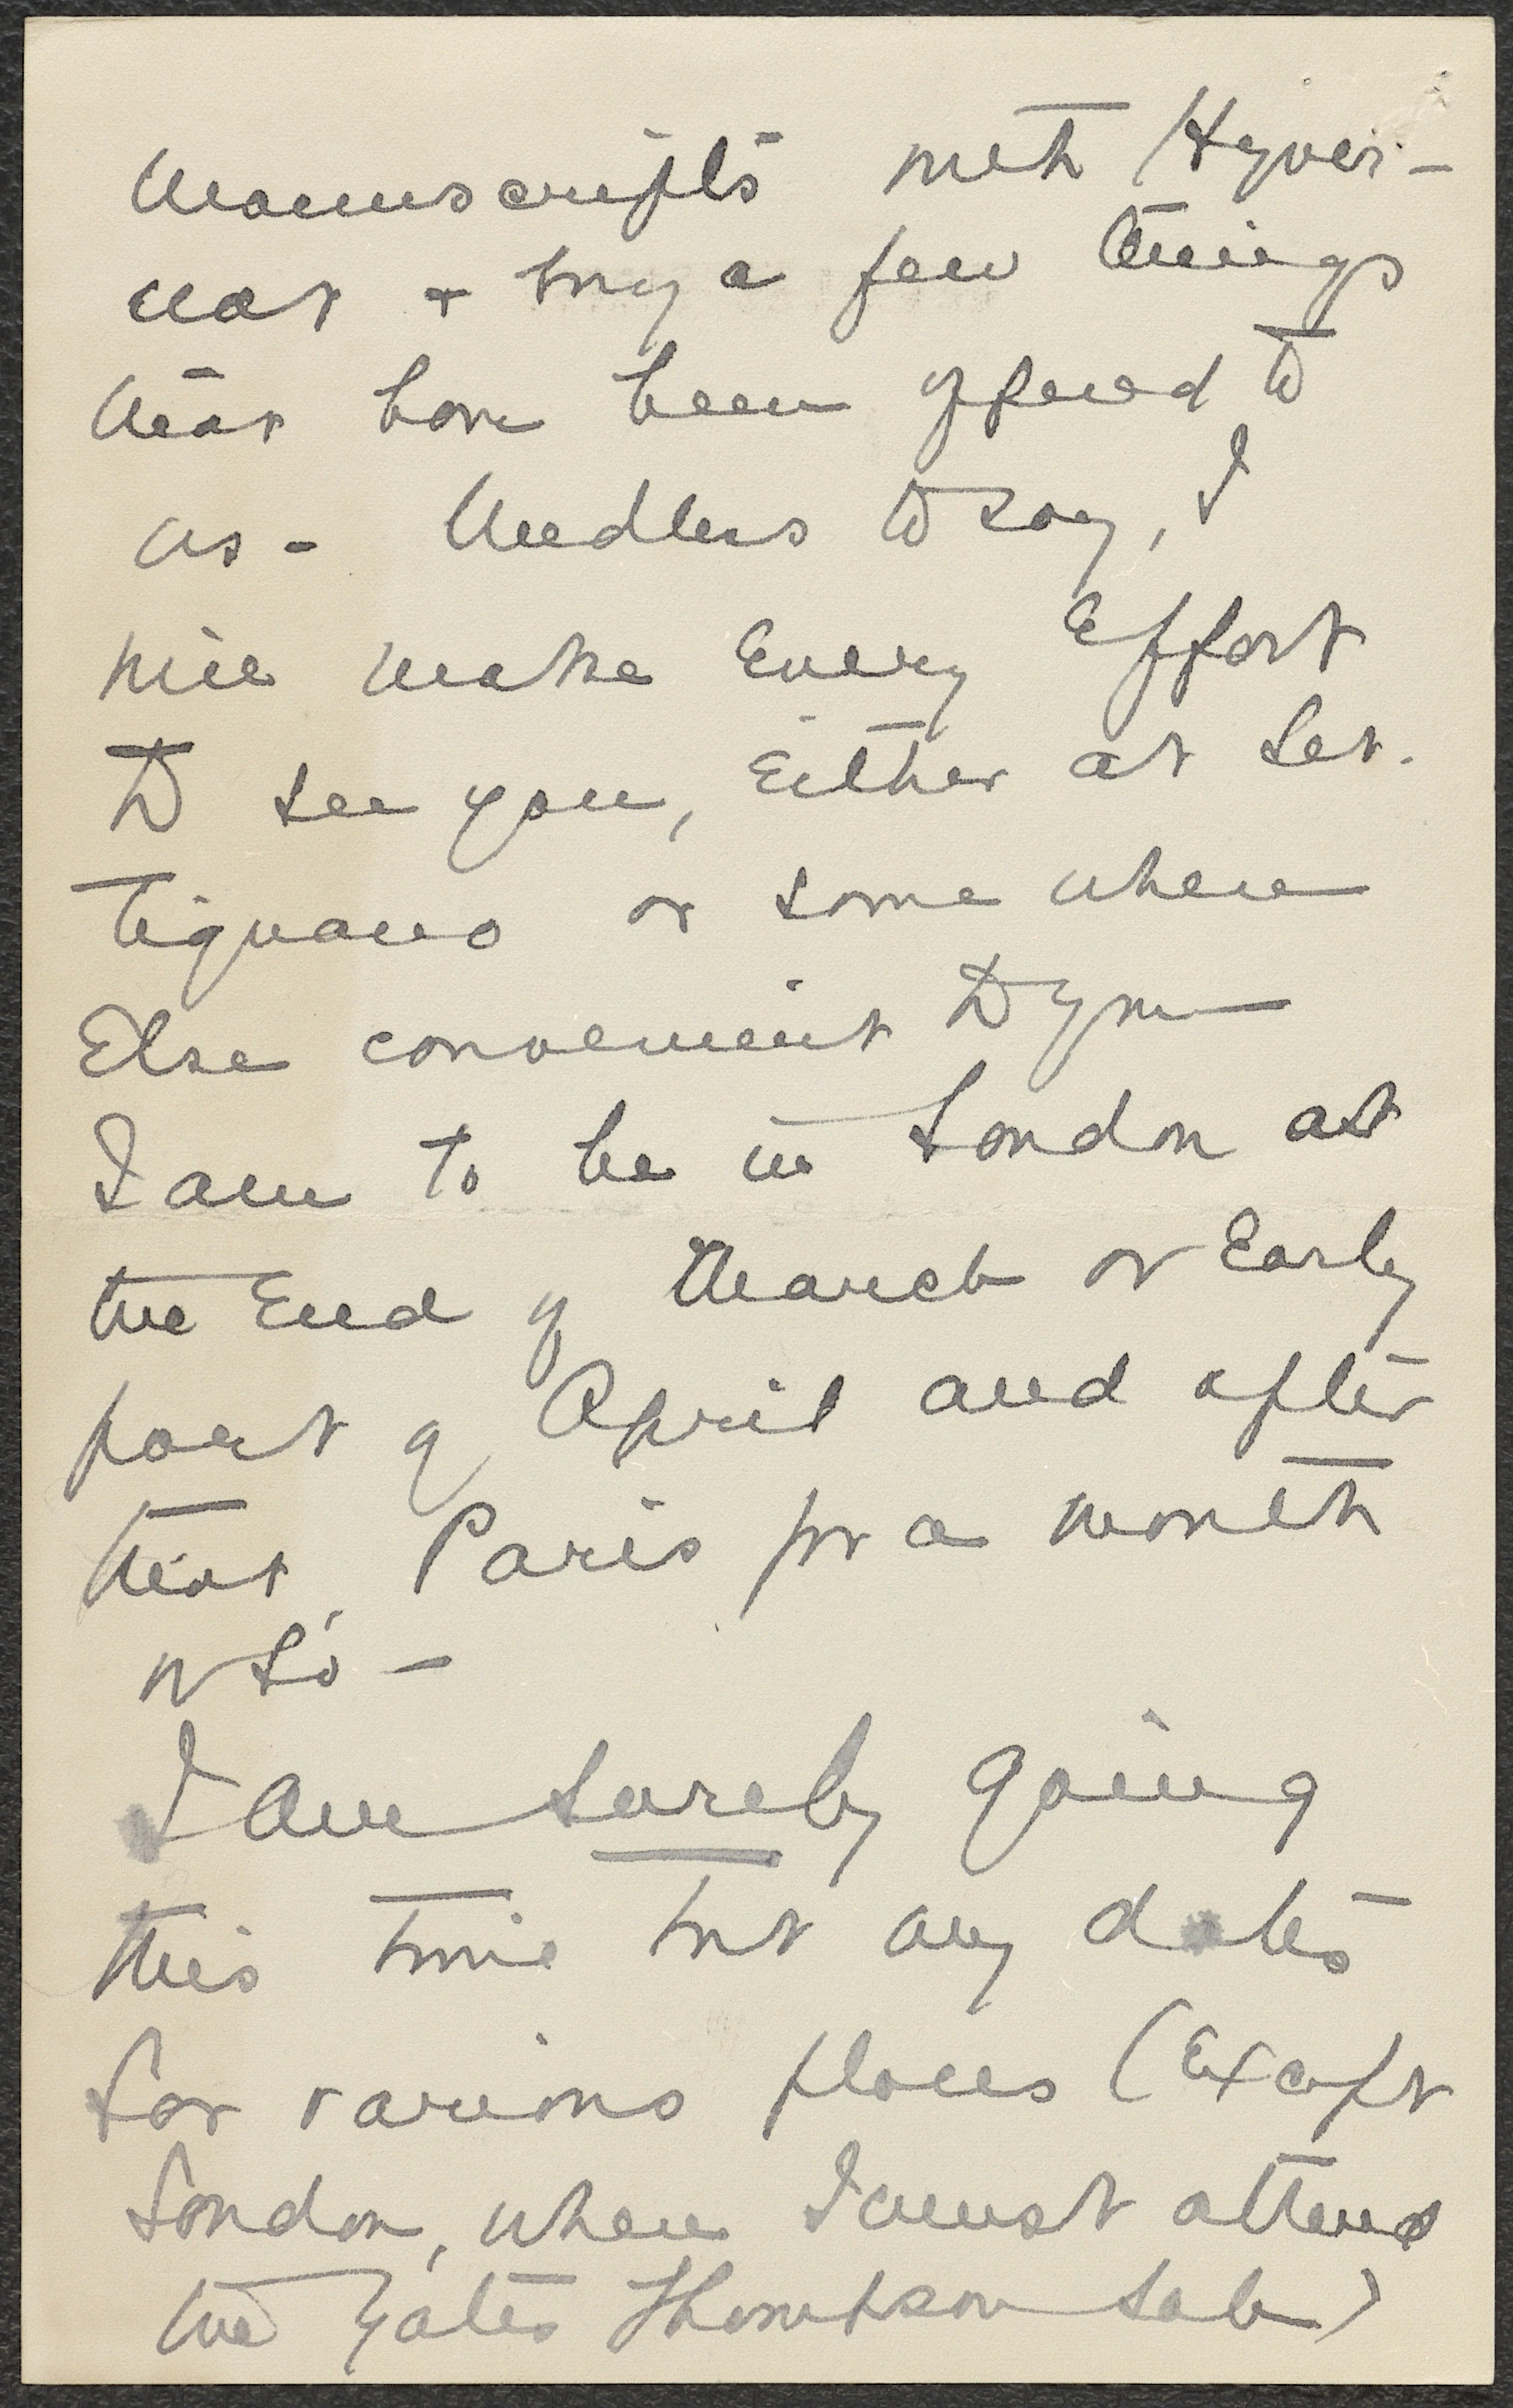manuscripts with Hyvernat & buy a few things that have been offered to us – Needless to say, I will make every effort to see you, either at Settignano or some where else convenient to you –
I am to be in London at the end of March or early part of April and after that, Paris for a month or so –
I am surely going this time but my dates for various places (expect for London, where I must attend the Yates Thompson sale)